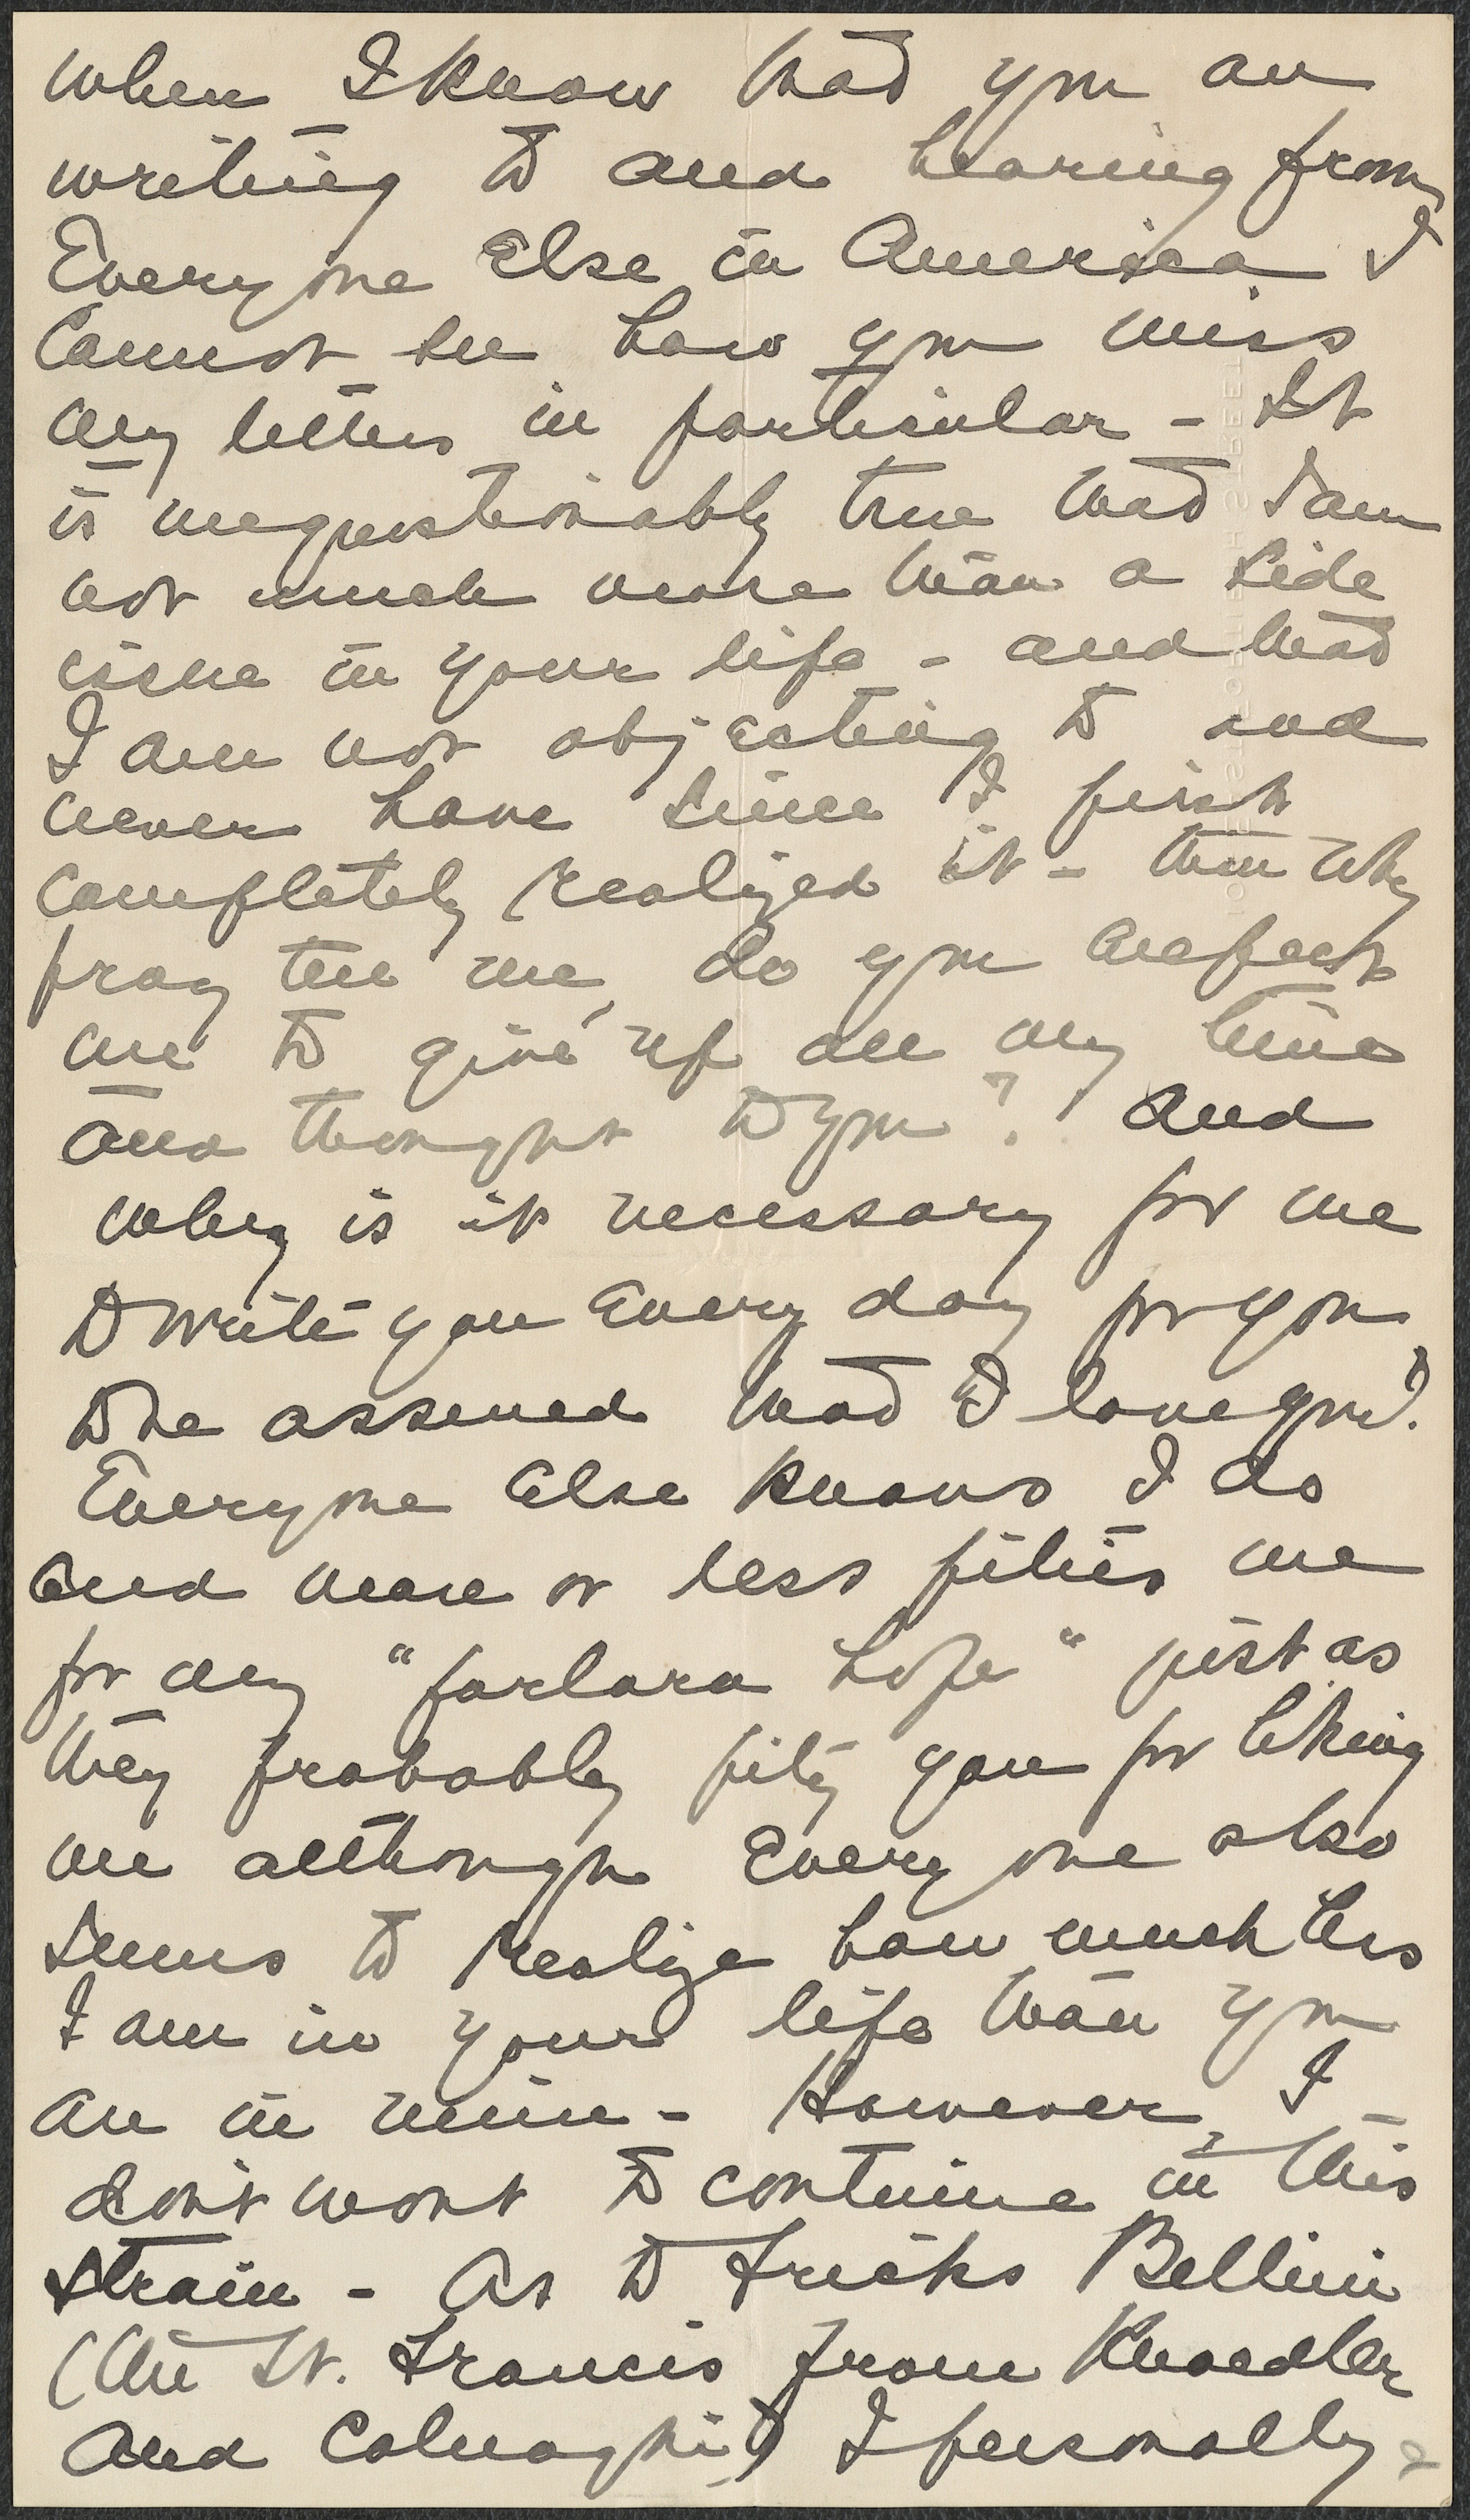when I know that you are writing to and hearing from everyone else in America I cannot see how you miss my letters in particular – It is unquestionably true that I am not much more than a side issue in you life – and that I am not objecting to and never have since I first completely realized it – then why pray tell me, do you expect me to give up all my time and thought to you? and why is it necessary for me to write you every day for you to be assured that I love you? Everyone else knows I do and more or less pities me for any “forlorn hope” just as they probably pity you for liking me although everyone also seems to realize how much less I am in your life than you are in mine – However, I don’t want to continue in this strain – As to Fricks [sic] Bellini (the St. Francis from Knoedler and Colnaghi) I personally